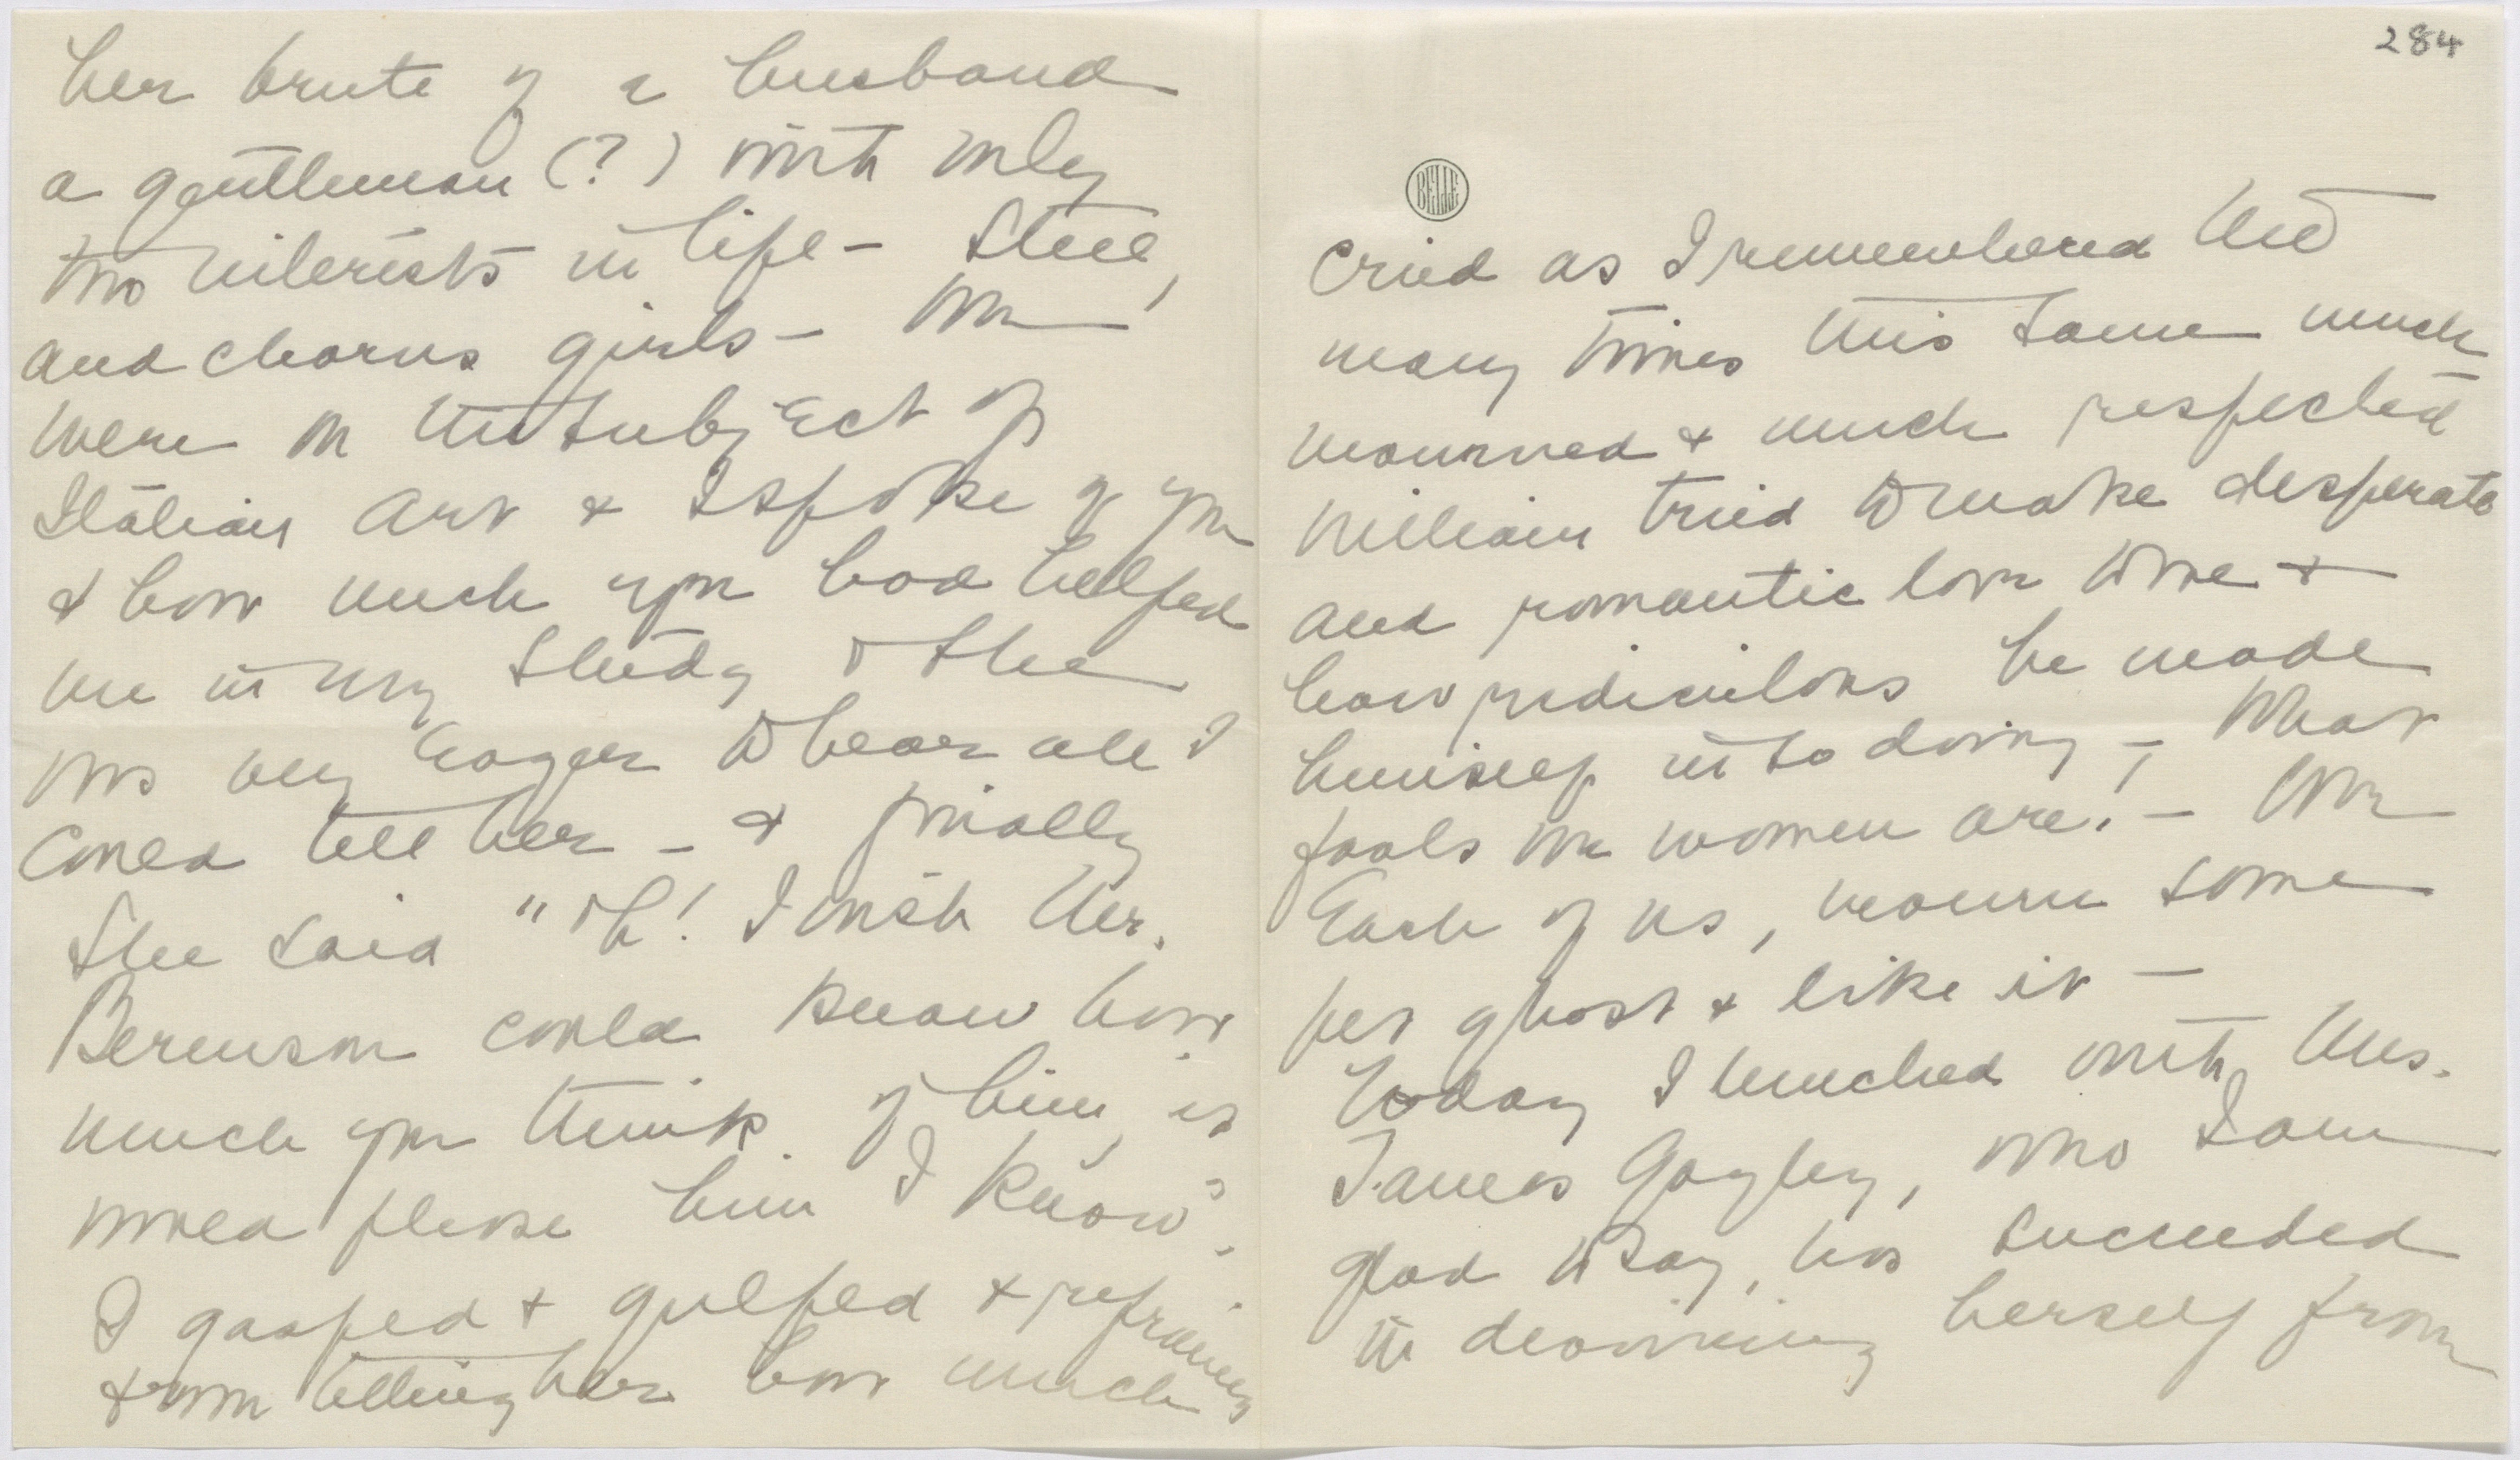cried as I remembered the many times this same much mourned & much respected villain tried to make desperate and romantic love to me & how ridiculous he made himself in so doing – What fools we women are! – We Each of us, mourn some pet ghost & like it –
Today I lunched with Mrs. James Gayley, who I am glad to say, has succeeded in divorcing herself from
her brute of a husband a gentleman (?) with only two interests in life – steel and chorus girls – We were on the subject of Italian art & I spoke of you & how much you had helped me in my study & she was very eager to hear all I could tell her – & finally she said “oh! I wish Mr. Berenson could know how much you think of him, it would please him I know” – I gasped & gulped & refraining from telling her how much